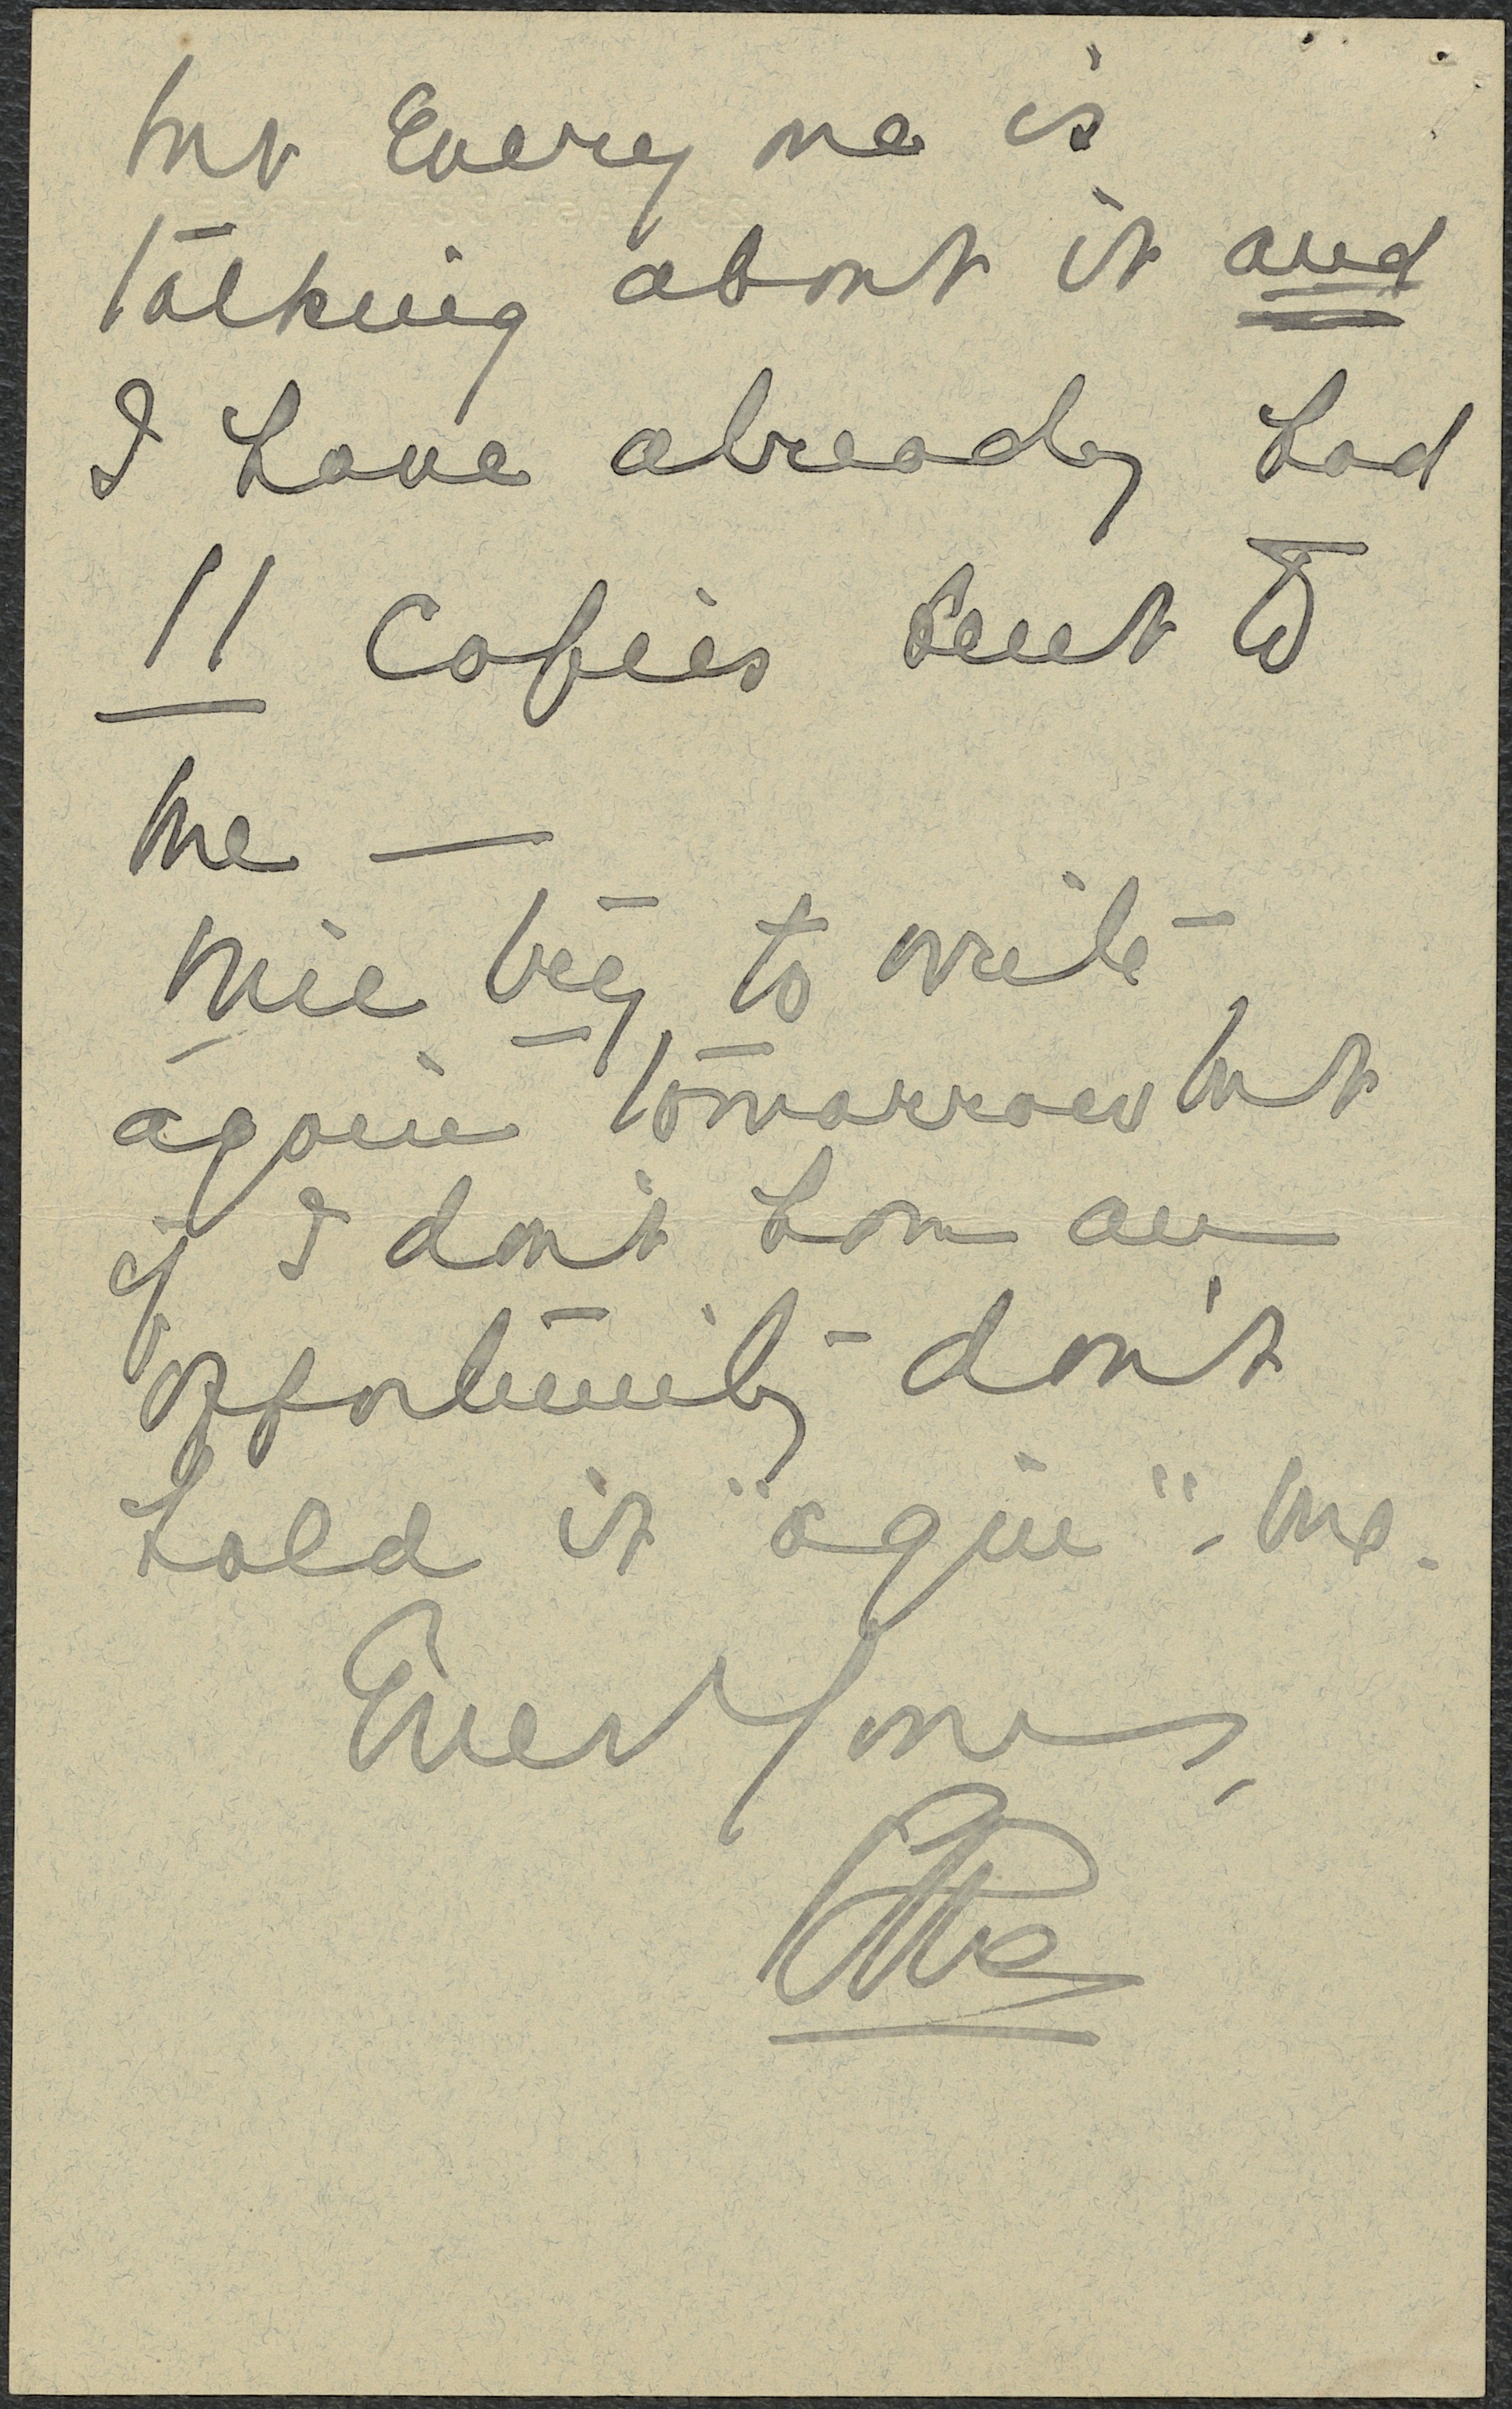but every one is talking about it [double underlined: and] I have already had 11 copies sent to me –
Will try to write again tomorrow but if I don't have an opportunity don't hold it "agin" me.
Ever Yours,
Belle